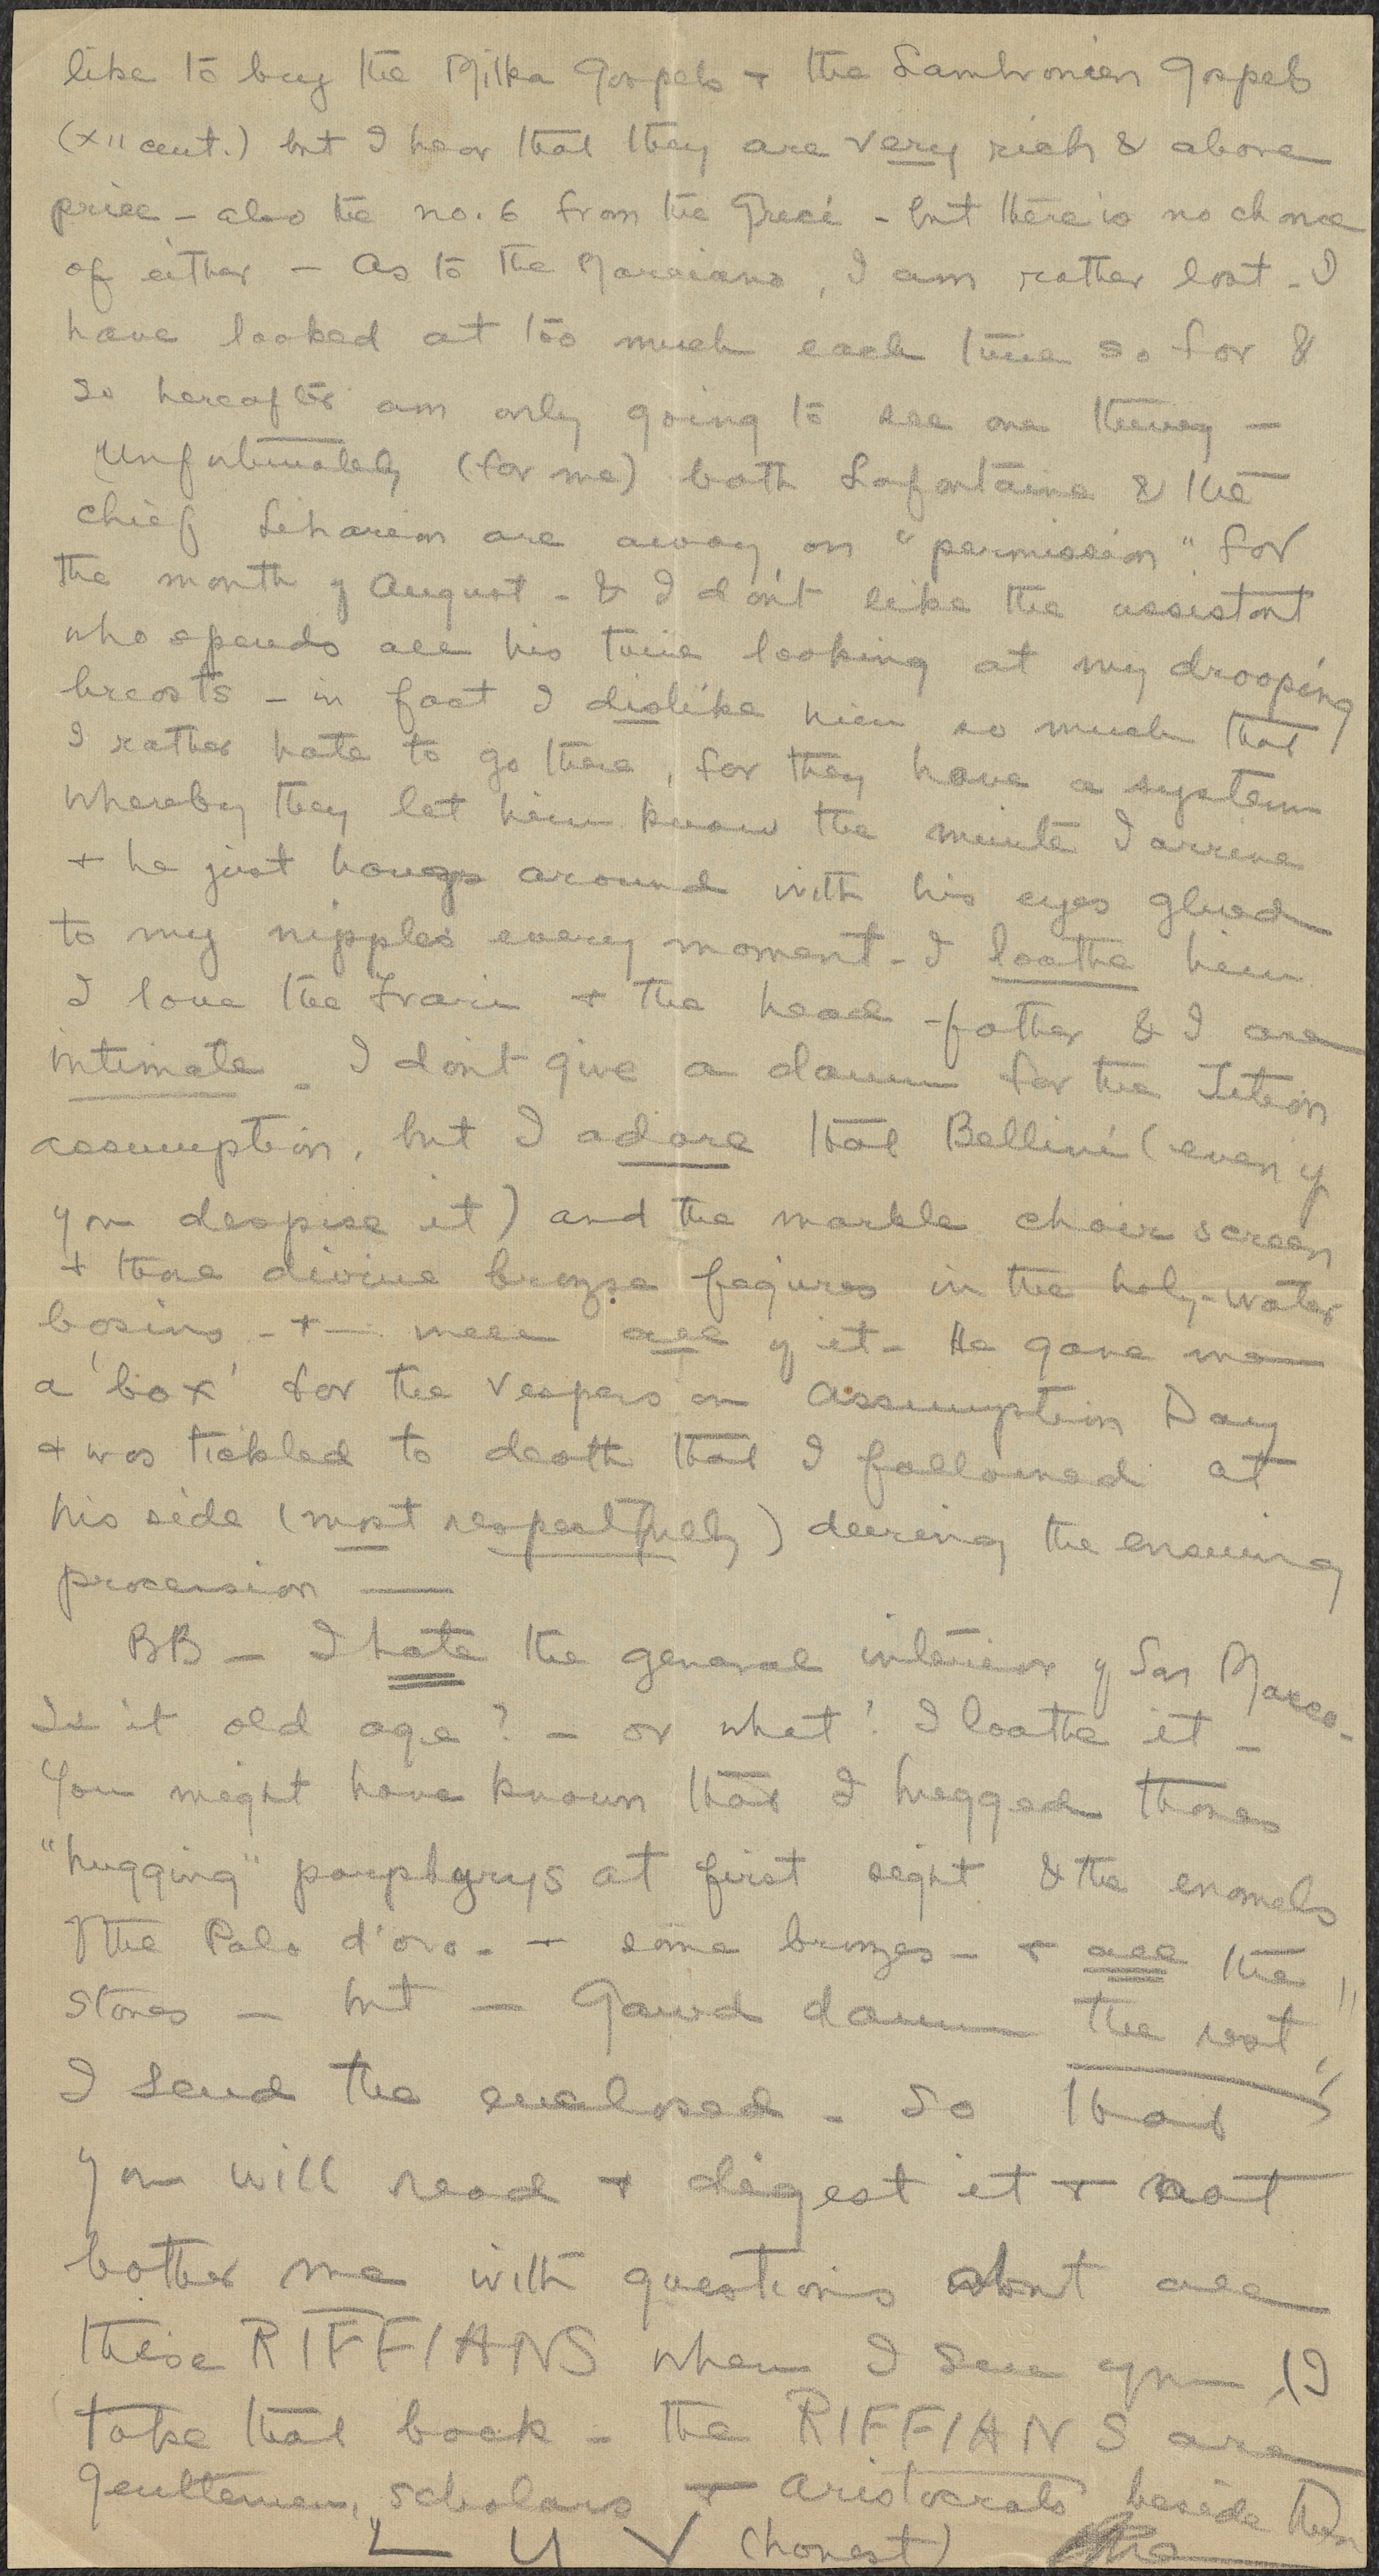like to buy the Milka Gospels & the Lambronien Gospels (XII cent.) but I hear that they are very rich & above price – also I’ve no. 6 from the Greci – but there is no chance of either – As to the Marciano, I am rather lost – I have looked at too much each time so for & so hereafter am only going to see one thing – Unfortunately (for me) both Lafontaine & the chief Librarian are away on “permission” for the month of August – & I don’t like the assistant who spends all his time looking at my drooping breasts – in fact I dislike him so much that I rather hate to go there, for they have a system whereby they let him know the minute I arrive & he just hangs around with his eyes glued to my nipples every moment – I loathe him
I love the Frari & the head-father & I are intimate – I don’t give a damn for the Titian assumption, but I adore that Bellini (even if you despise it) and the marble choir screen & those divine bronze figures in the holy-water basins – & – well all of it – He gave me a ‘box’ for the Vespers on Assumption Day & was tickled to death that I followed at his side (most respectfully) during the evening procession—
BB – I [double underlined: hate]the general interior of San Marco. Is it old age? – or what? I loathe it – You might have known that I hugged those “hugging” porphyrys at first sight & the enamels of the Palo d’ovo – & some bronzes— & [double underlined: all] the stones – but – Gawd damn the rest!! I send the enclosed – so that you will read & digest it & not bother me with questions about all these RIFFIANS when I see you – I take that book. The RIFFIANS are gentlemen, scholars, & aristocrats beside them
LUV (honest) Belle